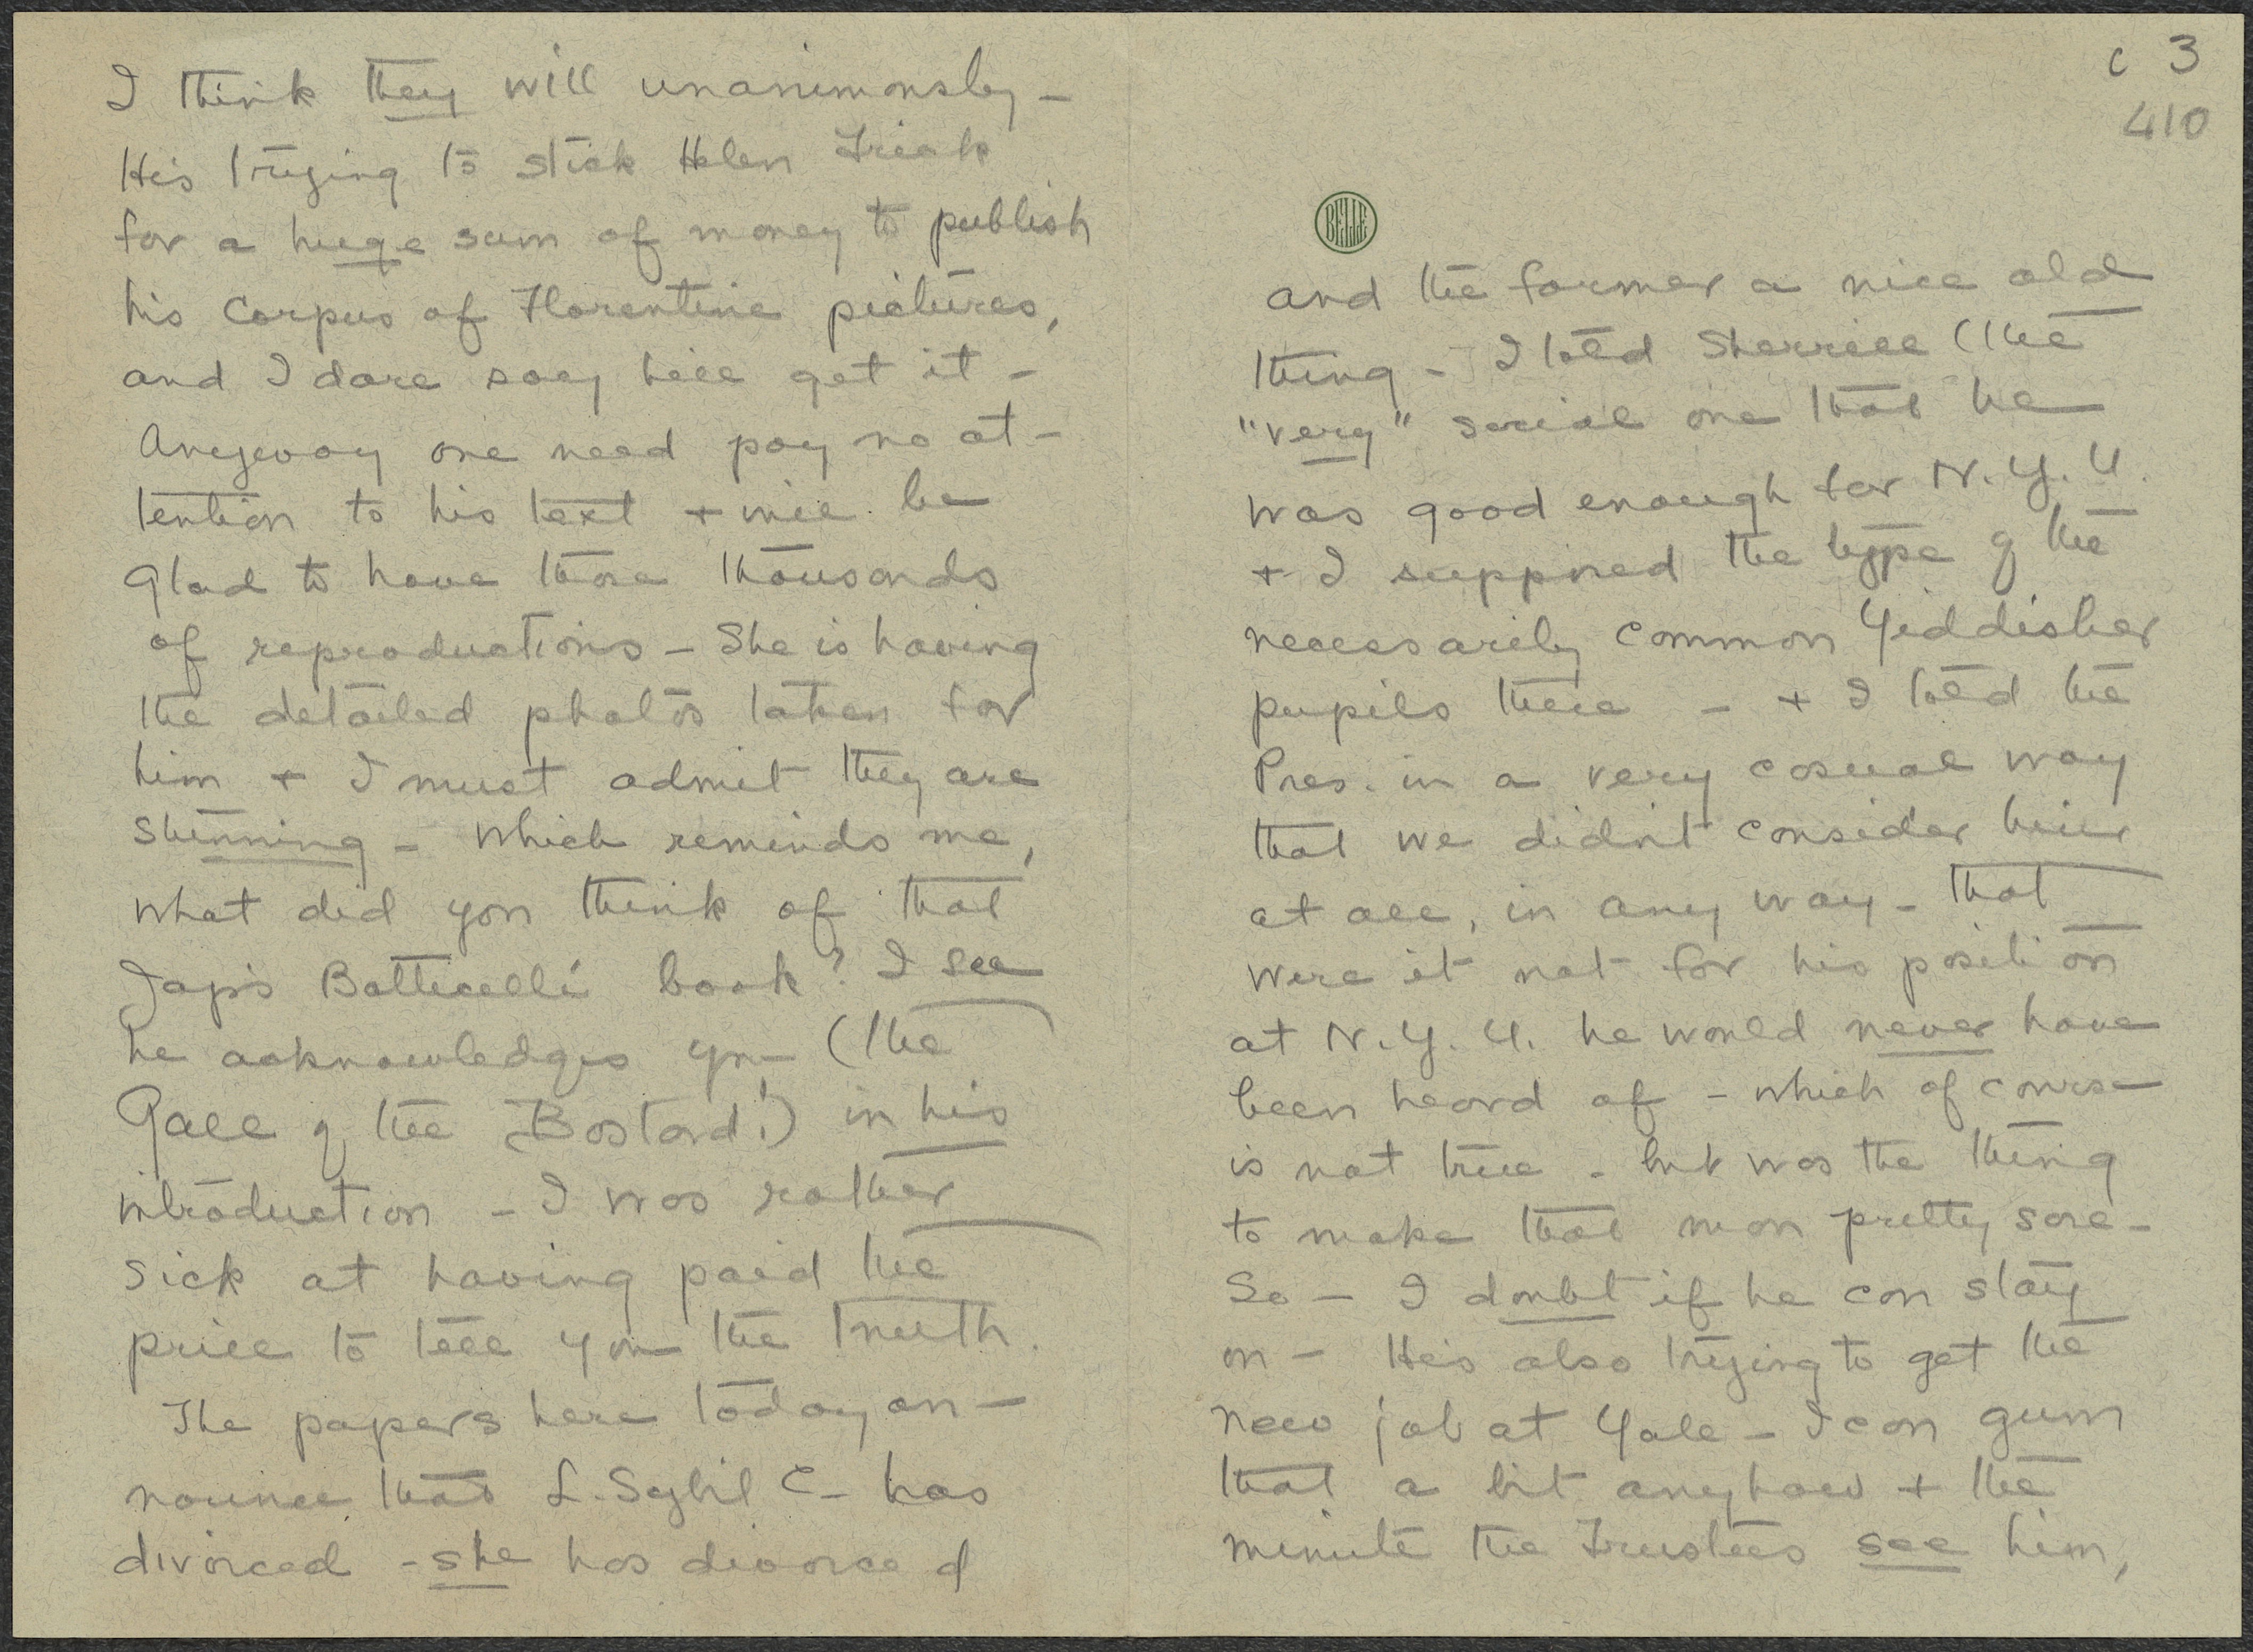and the former a nice old thing – I told Sherrill (the “very” social one that he was good enough for N.Y.U. & I supposed the type of the necessarily common Yiddisher pupils there – & I told the Pres. in a very casual way that we didn't consider him at all, in any way – that were it not for his position at N.Y.U. he would never have been heard of – which of course is not true – but was the thing to make that man pretty sore – So – I doubt if he can stay on – He’s also trying to get the new job at Yale – I can gum that a bit anyhow & the minute the Trustees see him,
I think they will unanimously –
He’s trying to stick Helen Frick for a huge sum of money to publish his corpus of Florentine pictures, and I dare say he’ll get it – Anyway one need pay no attention to his text & will be glad to have those thousands of reproductions – She is having the detailed photos taken for him & I must admit they are stunning – which reminds me, what did you think of that Jap’s Botticelli book? I see he acknowledges you (the Gall of the Bastard!) in his introduction – I was rather sick at having paid the price to tell you the truth.
The papers here today announce that L. Sybil C – has divorced - she has divorced